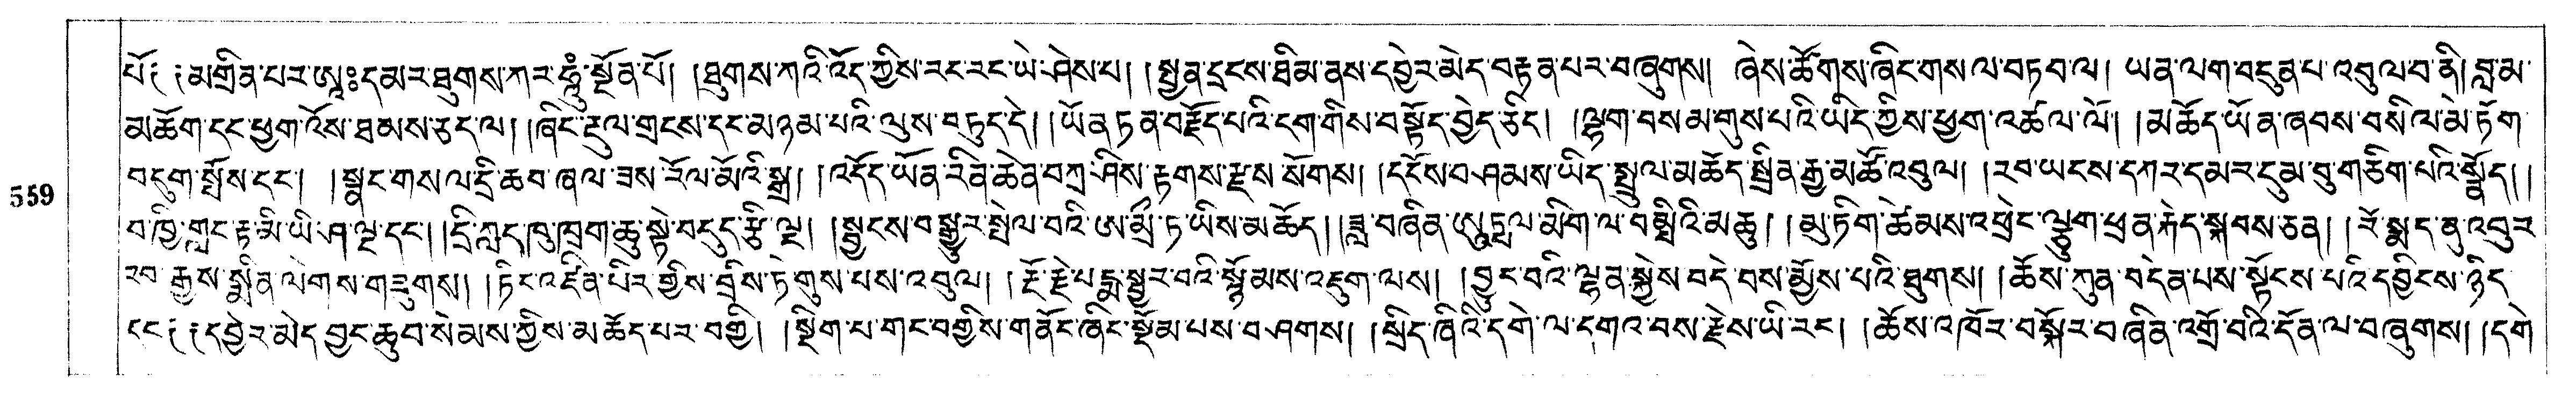པོ༑ ༑མགྲིན་པར་ཨཱཿ དམར་ཐུགས་ཀར་ཧཱུཾ་སྔོན་པོ། །ཐུགས་ཀའི་འོད་ཀྱིས་རང་རང་ཡེ་ཤེས་པ། །སྤྱན་དྲངས་ཐིམ་ནས་དབྱེར་མེད་བརྟན་པར་བཞུགས། ཞེས་ཚོགས་ཞིང་གསལ་བཏབ་ལ། ཡན་ལག་བདུན་པ་འབུལ་བ་ནི། བླ་མ་
མཆོག་དང་ཕྱག་འོས་ཐམས་ཅད་ལ། །ཞིང་རྡུལ་གྲངས་དང་མཉམ་པའི་ལུས་བཏུད་དེ། །ཡོན་ཏན་བརྗོད་པའི་ངག་གིས་བསྟོད་བྱེད་ཅིང་། །ལྷག་བསམ་གུས་པའི་ཡིད་ཀྱིས་ཕྱག་འཚལ་ལོ། །མཆོད་ཡོན་ཞབས་བསིལ་མེ་ཏོག་
བདུག་སྤོས་དང་། །སྣང་གསལ་དྲི་ཆབ་ཞལ་ཟས་རོལ་མོའི་སྒྲ། །འདོད་ཡོན་རིན་ཆེན་བཀྲ་ཤིས་རྟགས་རྫས་སོགས། །དངོས་བཤམས་ཡིད་སྤྲུལ་མཆོད་སྤྲིན་རྒྱ་མཚོ་འབུལ། །རབ་ཡངས་དཀར་དམར་དུམ་བུ་གཅིག་པའི་སྣོད། །
བ་ཁྱི་གླང་རྟ་མི་ཡི་ཤ་ལྔ་དང་། །དྲི་ཀླད་ཁུ་ཁྲག་སྟེ་བདུད་རྩི་ལྔ། །སྦྱངས་བསྒྱུར་སྤེལ་བའི་ཨ་མྲྀ་ཏ་ཡིས་མཆོད། །ཟླ་བཞིན་ཨུཏྤལ་མིག་ལ་བམྤིའི་མཆུ། །མུ་ཏིག་ཚེམས་འཕྲེང་ལྕུག་ཕྲན་རྐེད་སྐབས་ཅན། །རོ་སྨད་ནུ་འབུར་
རབ་རྒྱས་སྨིན་ལེགས་གཟུགས། །ཏིང་འཛིན་པིར་གྱིས་བྲིས་ཏེ་གུས་པས་འབུལ། །རྡོ་རྗེ་པདམ་སྦྱར་བའི་སྙོམས་འཇུག་ལས། །བྱུང་བའི་ལྷན་སྐྱེས་བདེ་བས་མྱོས་པའི་ཐུགས། །ཆོས་ཀུན་བདེན་པས་སྟོངས་པའི་དབྱིངས་ཉིད་
དང༑ ༑དབྱེར་མེད་བྱང་ཆུབ་སེམས་ཀྱིས་མཆོད་པར་བགྱི། །སྡིག་པ་གང་བགྱིས་གནོང?་ཞིང་སྡོམ་པས་བཤགས། །སྲིད་ཞིའི་དགེ་ལ་དགའ་བས་རྗེས་ཡི་རང་། །ཆོས་འཁོར་བསྐོར་བཞིན་འགྲོ་བའི་དོན་ལ་བཞུགས། །དགེ་